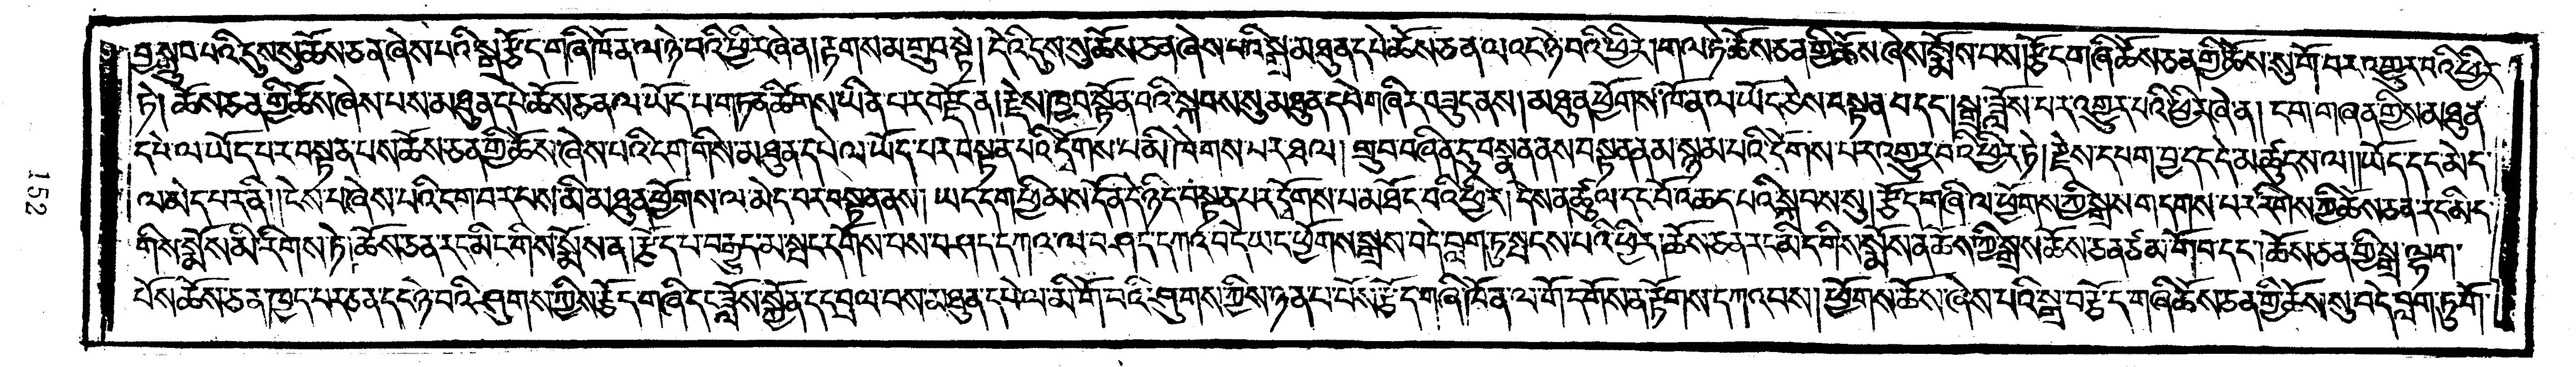བྱ་སྒྲུབ་པའི་དུས་སུ་ཆོས་ཅན་ཞེས་པའི་སྒྲ་རྩོད་གཞི་ཁོ་ན་ལ་ཉེ་བའི་ཕྱིར་ཞེ་ན། རྟགས་མ་གྲུབ་སྟེ། དེའི་དུས་སུ་ཆོས་ཅན་ཞེས་པའི་སྒྲ་མཐུན་དཔེ་ཆོས་ཅན་ལའང་ཉེ་བའི་ཕྱིར། གལ་ཏེ་ཆོས་ཅན་གྱི་ཆོས་ཞེས་སྨོས་པས། རྩོད་གཞི་ཆོས་ཅན་གྱི་ཆོས་སུ་གོ་བར་འགྱུར་བའི་ཕྱིར་
ཏེ། ཆོས་ཅན་གྱི་ཆོས་ཞེས་པས་མཐུན་དཔེ་ཆོས་ཅན་ལ་ཡོད་པ་གཏན་ཚིགས་ཡིན་པར་བརྗོད་ན། རྗེས་ཁྱབ་སྟོན་པའི་སྐབས་སུ་མཐུན་དཔེ་གཞིར་བཟུང་ནས། མཐུན་ཕྱོགས་ཁོ་ན་ལ་ཡོད་ཅེས་བསྟན་པ་དང་། སྒྲ་ཟློས་པར་འགྱུར་བའི་ཕྱིར་ཞེ་ན། ངག་གཞན་གྱིས་མཐུན་
དཔེ་ལ་ཡོད་པར་བསྟན་པས་ཆོས་ཅན་གྱི་ཆོས་ཞེས་པའི་ངག་གིས་མཐུན་དཔེ་ལ་ཡོད་པར་བསྟན་པའི་དྭོགས་པ་མི་ཁེགས་པར་ཐལ། གྲུབ་བཞིན་དུ་བསྣན་ནས་བསྟན་ནམ་སྙམ་པའི་དྭོགས་པར་འགྱུར་བའི་ཕྱིར་ཏེ། རྗེས་དཔག་བྱ་དང་དེ་མཚུངས་ལ། །ཡོད་དང་མེད་
ལ་མེད་པར་ནི། །ངེས་པ་ཞེས་པའི་ངག་བར་པས་མི་མཐུན་ཕྱོགས་ལ་མེད་པར་བསྟན་ནས། ཡང་དག་ཕྱི་མས་དོན་དེ་ཉིད་བསྟན་པར་དྭོགས་པ་མཐོང་བའི་ཕྱིར། དེས་ན་ཚུལ་དང་པོ་འཆད་པའི་སྐབས་སུ། རྩོད་གཞི་ལ་ཕྱོགས་ཀྱི་སྒྲས་གདགས་པར་རིགས་ཀྱི་ཆོས་ཅན་རང་མིང་
གིས་སྨོས་མི་རིགས་ཏེ། ཆོས་ཅན་རང་མིང་གིས་སྨོས་ན། རྩོད་པ་བརྒྱུད་མ་སྤང་དགོས་པས་བཤད་དཀའ་ལ་བཤད་དཀའ་བ་དེ་?་ཡང་ཕྱོགས་སྒྲས་བདེ་བླག་ཏུ་སྤངས་པའི་ཕྱིར། ཆོས་ཅན་རང་མིང་གིས་སྨོས་ན་ཆོས་ཀྱི་སྒྲས་ཆོས་ཅན་ཙམ་གོ་བ་དང་། ཆོས་ཅན་གྱི་སྒྲ་ལྷག་
པོས་ཆོས་ཅན་ཁྱད་པར་ཅན་དང་ཉ་བའི་ཤུགས་ཀྱིས་རྩོད་གཞི་དང་ཟློས་སྐྱོན་དང་བྲལ་བས་མཐུན་དཔེ་ལ་མི་གོ་བའི་ཤུགས་ཀྱིས་ཉན་པ་པོས་རྩོད་གཞི་ཁོ་ན་ལ་གོ་དགོས་ན་རྟོགས་དཀའ་བས། ཕྱོགས་ཆོས་ཞེས་པའི་སྒྲས་རྩོད་གཞི་ཆོས་ཅན་གྱི་ཆོས་སུ་བདེ་བླག་ཏུ་གོ་